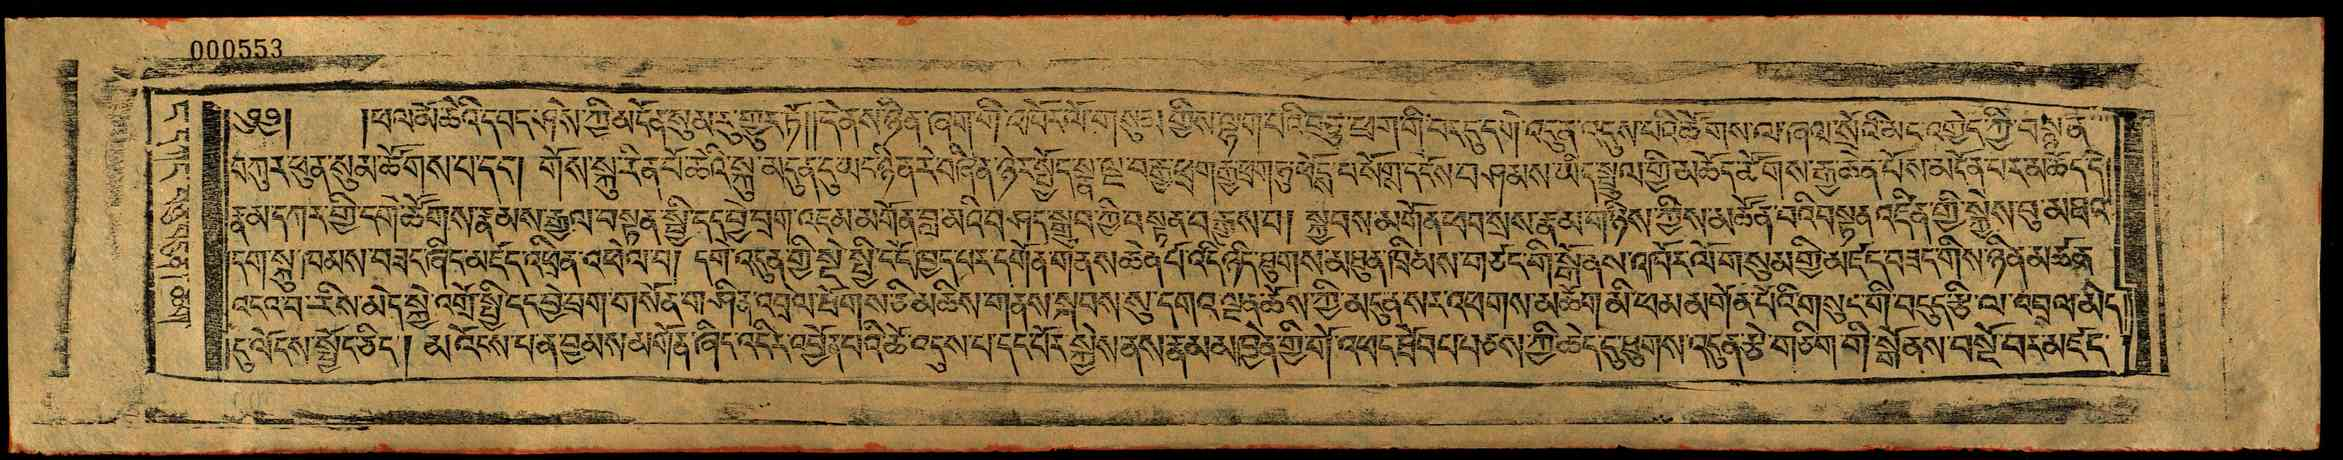༄༅། །ཕལ་མོ་ཆེའི་དབང་ཤེས་ཀྱི་མངོན་སུམ་དུ་གྱུར་རོ། །དེ་ནས་ཉིན་ཞག་གི་འཁོར་ལོ་གསུམ་གྱིས་ལྷག་པའི་བཅུ་ཕྲག་གི་བར་དུ་དགེ་འདུན་འདུས་པའི་ཚོགས་ལ་ཞལ་སྲོའི་མང་འགྱེད་ཀྱི་བསྙེན་
བཀུར་ཕུན་སུམ་ཚོགས་པ་དང་། གོས་སྐུ་རིན་པོ་ཆེའི་སྐུ་མདུན་དུ་ཡང་ཉིན་རེ་བཞིན་ཉེར་སྤྱོད་སྣ་ལྔ་བརྒྱ་ཕྲག་རྒྱ་ཕྲག་ཏུ་ལོངས་པ་སོགས་དངོས་བཤམས་ཡིད་སྤྲུལ་གྱི་མཆོད་ཚོགས་རྒྱ་ཆེན་པོས་མངོན་པར་མཆོད་དེ།
རྣམ་དཀར་གྱི་དགེ་ཚོགས་རྣམས་རྒྱལ་བསྟན་སྤྱི་དང་བྱེ་བྲག་འཇམ་མགོན་བླ་མའི་བཤད་སྒྲུབ་ཀྱི་བསྟན་པ་རྒྱས་པ། སྐྱབས་མགོན་ཡབ་སྲས་རྣམ་གཉིས་ཀྱིས་མཚོན་པའི་བསྟན་འཛིན་གྱི་སྐྱེས་བུ་མཐའ་
དག་སྐུ་ཁམས་བཟང་ཞིང་མཛད་འཕྲིན་འཕེལ་བ། དགེ་འདུན་གྱི་སྡེ་སྤྱི་དང་ཁྱད་པར་དགོན་གནས་ཆེན་པོ་འདི་ཉིད་ཐུགས་མཐུན་ཁྲིམས་གཙང་གི་སྒོ་ནས་འཁོར་ལོ་གསུམ་གྱི་མཛད་བཟང་གིས་ཉིན་མཚན་
འདའ་བ་རིས་མེད་སྐྱེ་འགྲོ་སྤྱི་དང་བྱེ་བྲག་གསོན་གཤིན་འབྲེལ་ཐོགས་ཅི་མཆིས་གནས་སྐབས་སུ་དགའ་ལྡན་ཆོས་ཀྱི་མདུན་སར་འཕགས་མཆོག་མི་ཕམ་མགོན་པོའི་གསུང་གི་བདུད་རྩི་ལ་འབྲལ་མེད་
དུ་ལོངས་སྤྱོད་ཅིང་། མ་འོངས་པ་ན་བྱམས་མགོན་ཞིང་འདིར་འབྱོན་པའི་ཚེ་འདུས་པ་དང་པོར་སྐྱེས་ནས་རྣམ་མཁྱེན་གྱི་གོ་འཕང་ཐོབ་པ་བཅས་ཀྱི་ཆེད་དུ་ཐུགས་འདུན་རྩེ་གཅིག་གི་སྒོ་ནས་བསྔོ་བར་མཛད་